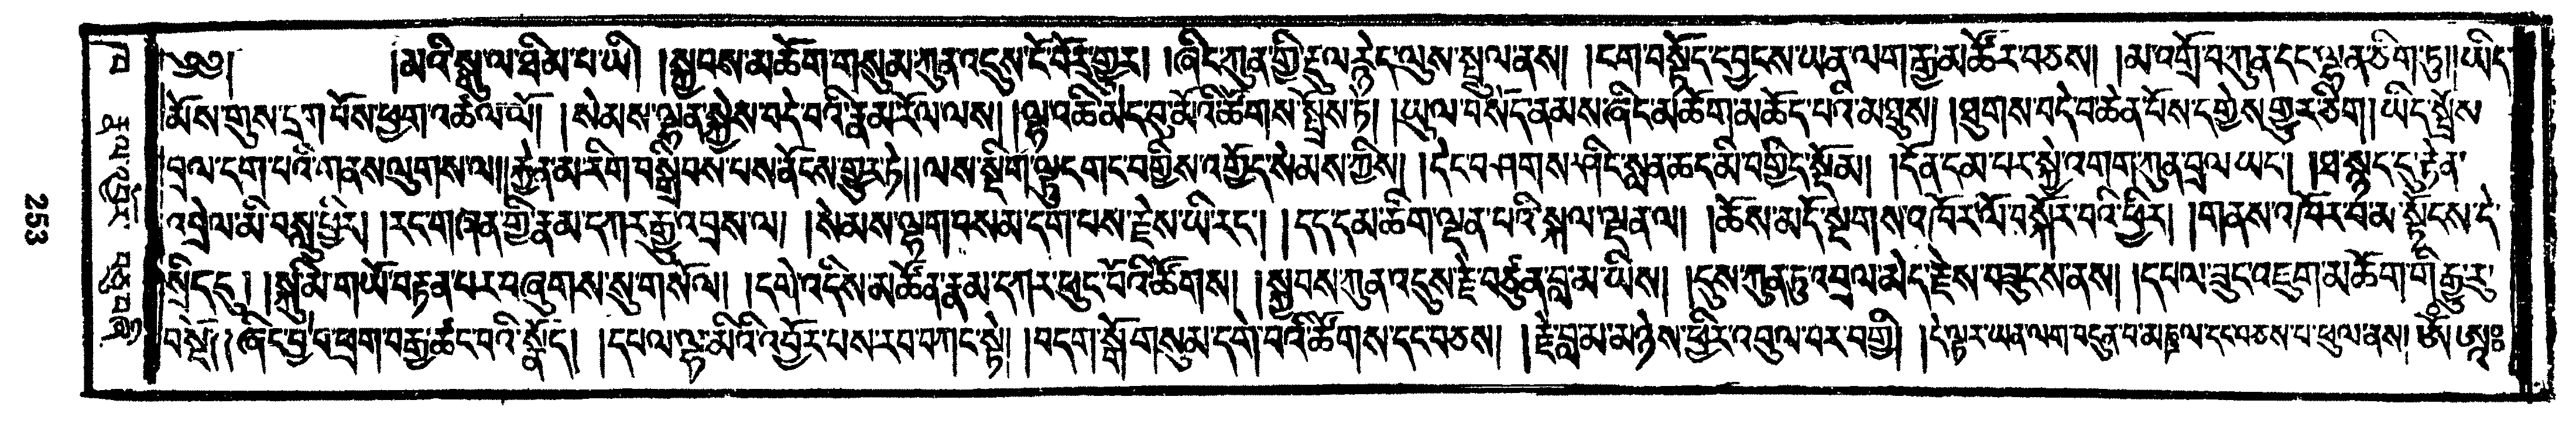༄༅། །མའི་སྐུ་ལ་ཐིམ་པ་ཡི། །སྐྱབས་མཆོག་གསུམ་ཀུན་འདུས་ངོ་བོར་གྱུར། །ཞིང་ཀུན་གྱི་རྡུལ་རྙེད་ལུས་སྤྲུལ་ནས། །ངག་བསྟོད་དབྱངས་ཡན་ལག་རྒྱ་མཚོར་བཅས། །མ་འགྲོ་བ་ཀུན་དང་ལྷན་ཅིག་ཏུ། །ཡིད་
མོས་གུས་དྲག་པོས་ཕྱག་འཚལ་ལོ། །སེམས་ལྷན་སྐྱེས་བདེ་བའི་རྣམ་རོལ་ལས། །ལྷ་འཆི་མེད་བུ་མོའི་ཚོགས་སྤྲོས་ཏེ། །ཡུལ་བསོད་ནམས་ཞིང་མཆོག་མཆོད་པའི་མཐུས། །ཐུགས་བདེ་བ་ཆེན་པོས་དགྱེས་གྱུར་ཅིག། ཡིད་སྤྲོས་
བྲལ་དག་པའི་གནས་ལུགས་ལ། །རྐྱེན་མ་རིག་བསྒྲིབས་པས་ནོངས་གྱུར་ཏེ། །ལས་སྡིག་ལྟུང་གང་བགྱིས་འགྱོད་སེམས་ཀྱིས། །དེང་བཤགས་ཤིང་སླན་ཆད་མི་བགྱིད་སྡོམ། །དོན་དམ་པར་སྐྱེ་འགག་ཀུན་བྲལ་ཡང་། །ཐ་སྙད་དུ་རྟེན་
འབྲེལ་མི་བསླུ་ཕྱིར། །རང་གཞན་གྱི་རྣམ་དཀར་རྒྱུ་འབྲས་ལ། །སེམས་ལྷག་བསམ་དག་པས་རྗེས་ཡི་རང་། །དད་དམ་ཚིག་ལྡན་པའི་སྐལ་ལྡན་ལ། །ཆོས་མདོ་སྔགས་འཁོར་ལོ་བསྐོར་བའི་ཕྱིར། །གནས་འཁོར་བ་མ་སྟོངས་དེ་
སྲིད་དུ། །སྐུ་མི་གཡོ་བརྟན་པར་བཞུགས་སུ་གསོལ། །དགེ་འདིས་མཚོན་རྣམ་དཀར་ཕུང་པོའི་ཚོགས། །སྐྱབས་ཀུན་འདུས་རྗེ་བཙུན་བླ་མ་ཡིས། །དུས་ཀུན་ཏུ་འབྲལ་མེད་རྗེས་བཟུངས་ནས། །དཔལ་ཟུང་འཇུག་མཆོག་གི་རྒྱུ་རུ་
བསྔོ༑ ༑ཞིང་བྱེ་བ་ཕྲག་བརྒྱ་ཚང་བའི་སྣོད། །དཔལ་ལྷ་མིའི་འབྱོར་པས་རབ་བཀང་སྟེ། །བདག་སྒོ་གསུམ་དགེ་བའི་ཚོགས་དང་བཅས། །རྗེ་བླ་མ་མཉེས་ཕྱིར་འབུལ་བར་བགྱི། །དེ་ལྟར་ཡན་ལག་བདུན་པ་མཎྜལ་དང་བཅས་པ་ཕུལ་ནས། ཨོཾ་ཨཱཿ